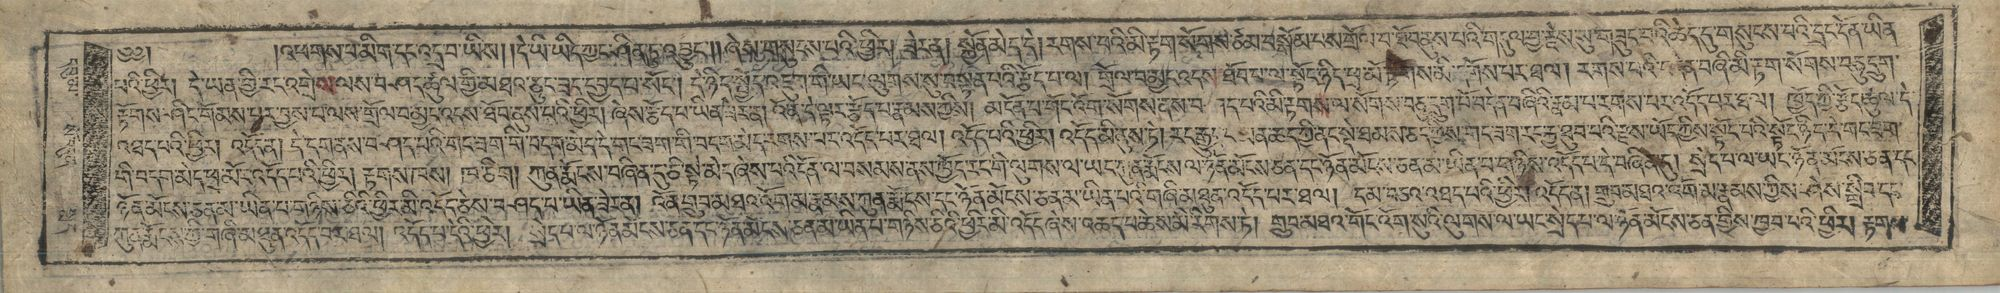༄༅། །འཕགས་པ་མིག་དང་འདྲ་བ་ཡིས། །དེ་ཡི་ཡིད་ཀྱང་ཤིན་ཏུ་འབྱུང་། །ཞེས་གསུངས་པའི་ཕྱིར། ཟེར་ན། སྐྱོན་མེད་དེ། རགས་པའི་མི་རྟག་སོགས་ཙམ་བསྒོམ་པས་གྲོལ་བ་ཐོབ་ནུས་པའི་གདུལ་བྱ་རྗེས་སུ་གཟུང་བའི་ཆེད་དུ་གསུངས་པའི་དྲང་དོན་ཡིན་
པའི་ཕྱིར། དེ་ཡན་གྱི་རང་འགྲེལ་ལས་བཤད་ཚུལ་གྱི་མཐའ་ཅུང་ཟད་དཔྱད་པ་སོང་། དེ་ཉིད་སྤྱོད་འཇུག་གི་ཡང་ལུགས་སུ་བསྟན་པའི་རྩོད་པ་ལ། གྲོལ་བ་མྱང་འདས་ཐོབ་པ་ལ་སྟོང་ཉིད་ཕྲ་མོ་རྟོགས་མི་དགོས་པར་ཐལ། རགས་པའི་བདེན་བཞི་མི་རྟག་སོགས་བཅུ་དྲུག་
རྟོགས་ཤིང་གོམས་པར་བྱས་པ་ལས་གྲོལ་བ་མྱང་འདས་ཐོབ་ནུས་པའི་ཕྱིར། ཞེས་རྩོད་པ་ཡིན་ཟེར་ན། འོ་ན་དེ་ལྟར་རྩོད་པ་རྣམས་ཀྱིས། མངོན་པ་གོང་འོག་སོགས་ནས་བཤད་པའི་མི་རྟག་ལ་སོགས་བཅུ་དྲུག་པོ་བདེན་བཞིའི་རྣམ་པ་རགས་པར་འདོད་པར་ཐལ། ཁྱོད་ཀྱི་རྩོད་ཚུལ་དེ་
འཐད་པའི་ཕྱིར། འདོད་ན། དེ་དག་ནས་བཤད་པའི་གང་ཟག་གི་བདག་མེད་དེ་གང་ཟག་གི་བདག་མེད་རགས་པར་འདོད་པར་ཐལ། འདོད་པའི་ཕྱིར། འདོད་མི་ནུས་ཏེ། རང་རྒྱུད་པ་མན་ཆད་ཀྱི་ནང་སྡེ་ཐམས་ཅད་ཀྱིས་གང་ཟག་རང་རྐྱ་ཐུབ་པའི་རྫས་ཡོད་ཀྱིས་སྟོང་པའི་སྟོང་ཉིད་དེ་གང་ཟག་
གི་བདག་མེད་ཕྲ་མོར་འདོད་པའི་ཕྱིར། རྟགས་ཁས། ཁ་ཅིག །ཀུན་རྨོངས་བཞིན་དུ་ཅི་སྟེ་མེད་ཞེས་བྱའི་དོན་ལ་བསམས་ནས་ཁྱོད་རང་གི་ལུགས་ལ་ཡང་ཀུན་རྨོངས་ལ་ཉོན་མོངས་ཅན་དང་ཉོན་མོངས་ཅན་མ་ཡིན་པ་གཉིས་འདོད་པ་དེ་བཞིན་དུ། སྲེད་པ་ལ་ཡང་ཉོན་མོངས་ཅན་དང་
ཉོན་མོངས་ཅན་མ་ཡིན་པ་གཉིས་ཅིའི་ཕྱིར་མི་འདོད་ཅེས་བཤད་པ་ཡིན་ཟེར་ན། འོ་ན་གྲུབ་མཐའ་འོག་མ་རྣམས་ཀུན་རྨོངས་དང་ཉོན་མོངས་ཅན་མ་ཡིན་པའི་གཞི་མཐུན་འདོད་པར་ཐལ། དམ་བཅའ་འཐད་པའི་ཕྱིར། འདོད་ན། གྲུབ་མཐའ་འོག་མ་རྣམས་ཀྱིས་ཤེས་སྒྲིབ་དང་
ཀུན་རྨོངས་ཀྱི་གཞི་མཐུན་འདོད་པར་ཐལ། འདོད་པ་དེའི་ཕྱིར། སྲིད་པ་ལ་ཉོན་མོངས་ཅན་དང་ཉོན་མོངས་ཅན་མ་ཡིན་པ་གཉིས་ཅིའི་ཕྱིར་མི་འདོད་ཞེས་འཆད་པ་ཆེས་མི་རིགས་ཏེ། གྲུབ་མཐའ་གོང་འོག་སུའི་ལུགས་ལ་ཡང་སྲིད་པ་ལ་ཉོན་མོངས་ཅན་གྱིས་ཁྱབ་པའི་ཕྱིར། རྟགས་